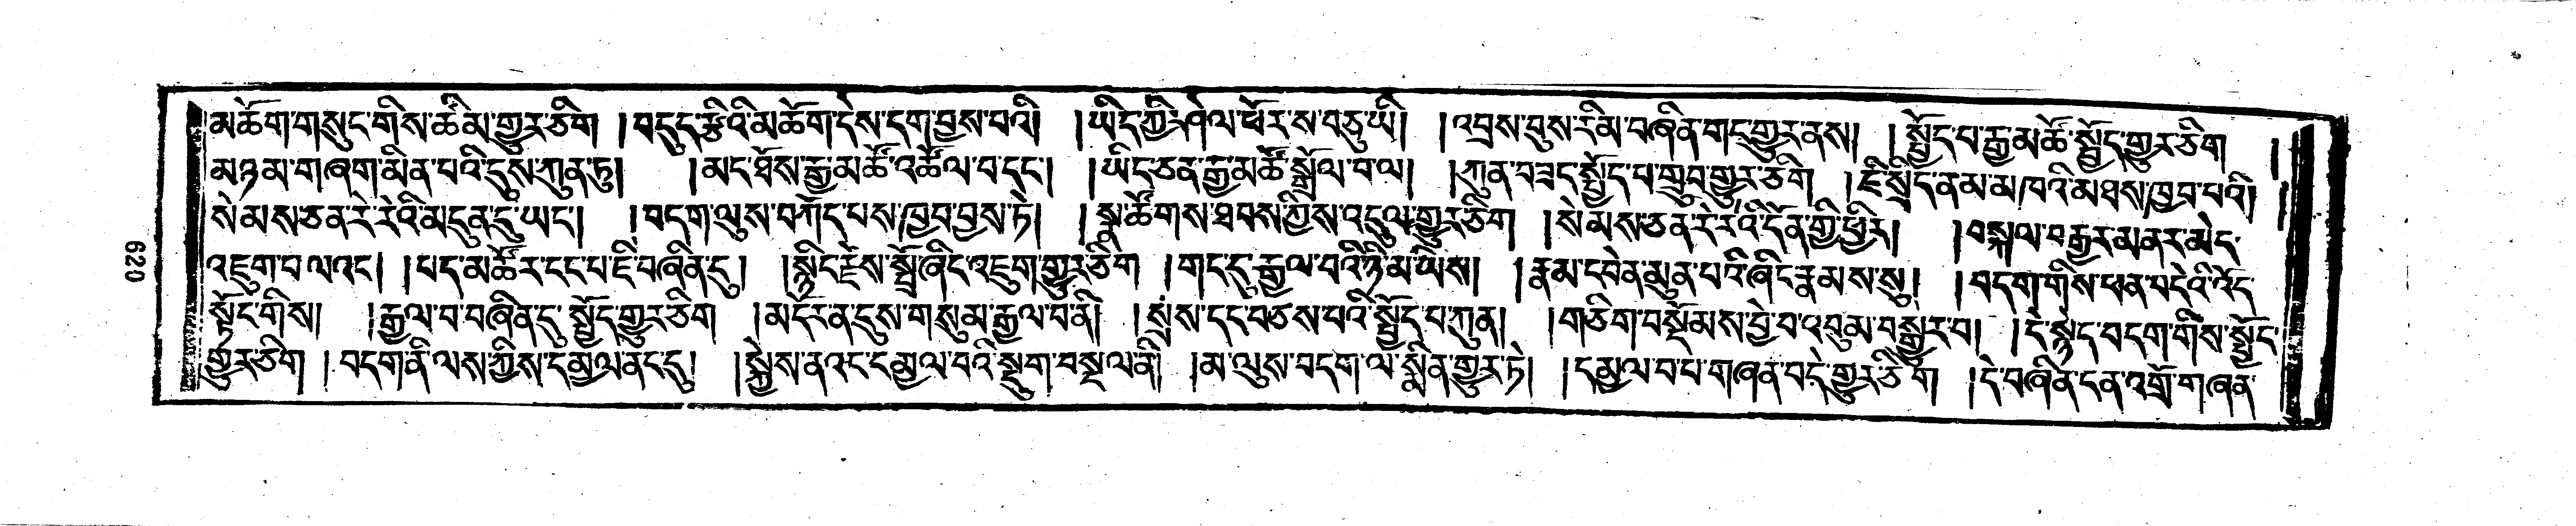མཆོག་གསུང་གིས་ཚིམ་གྱུར་ཅིག །བདུད་རྩིའི་མཆོག་དེས་དག་བྱས་པའི། །ཡིད་ཀྱི་ཤེལ་ཕོར་ས་བཅུ་ཡི། །འབྲས་བུས་རིམ་བཞིན་གང་གྱུར་ནས། །སྤྱོད་པ་རྒྱ་མཚོ་སྤྱོད་གྱུར་ཅིག །
མཉམ་གཞག་མིན་པའི་དུས་ཀུན་ཏུ། །མང་ཐོས་རྒྱ་མཚོ་འཚོལ་བ་དང་། །ཡིད་ཅན་རྒྱ་མཚོ་སྒྲོལ་བ་ལ། །ཀུན་བཟང་སྤྱོད་པ་གྲུབ་གྱུར་ཅིག །ཇི་སྲིད་ནམ་མཁའི་མཐས་ཁྱབ་པའི། །
སེམས་ཅན་རེ་རེའི་མདུན་དུ་ཡང་། །བདག་ལུས་བཀོད་པས་ཁྱབ་བྱས་ཏེ། །སྣ་ཚོགས་ཐབས་ཀྱིས་འདུལ་གྱུར་ཅིག །སེམས་ཅན་རེ་རེའི་དོན་གྱི་ཕྱིར། །བསྐལ་བརྒྱར་མནར་མེད་
འཇུག་པ་ལའང་། །པད་མཚོར་ངང་པ་ཇི་བཞིན་དུ། །སྙིང་རྗེས་སྤྲོ་ཞིང་འཇུག་གྱུར་ཅིག །གང་དུ་རྒྱལ་བའི་ཉི་མ་ཡིས། །རྣམ་དབེན་མུན་པའི་ཞིང་རྣམས་སུ། །བདག་གིས་ཕན་བདེའི་འོད་
སྟོང་གིས། །རྒྱལ་བ་བཞིན་དུ་སྤྱོད་གྱུར་ཅིག །མདོར་ན་དུས་གསུམ་རྒྱལ་བ་ནི། །སྲས་དང་བཅས་པའི་སྤྱོད་པ་ཀུན། །གཅིག་བསྡོམས་བྱེ་བ་འབུམ་བསྒྱུར་བ། །དེ་སྙེད་བདག་གིས་སྤྱོད་
གྱུར་ཅིག །བདག་ནི་ལས་ཀྱིས་དམྱལ་ནང་དུ། །སྐྱེས་ནའང་དམྱལ་བའི་སྡུག་བསྔལ་ནི། །མ་ལུས་བདག་ལ་སྨིན་གྱུར་ཏེ། །དམྱལ་བ་པ་གཞན་བདེ་གྱུར་ཅིག །དེ་བཞིན་ངན་འགྲོ་གཞན་